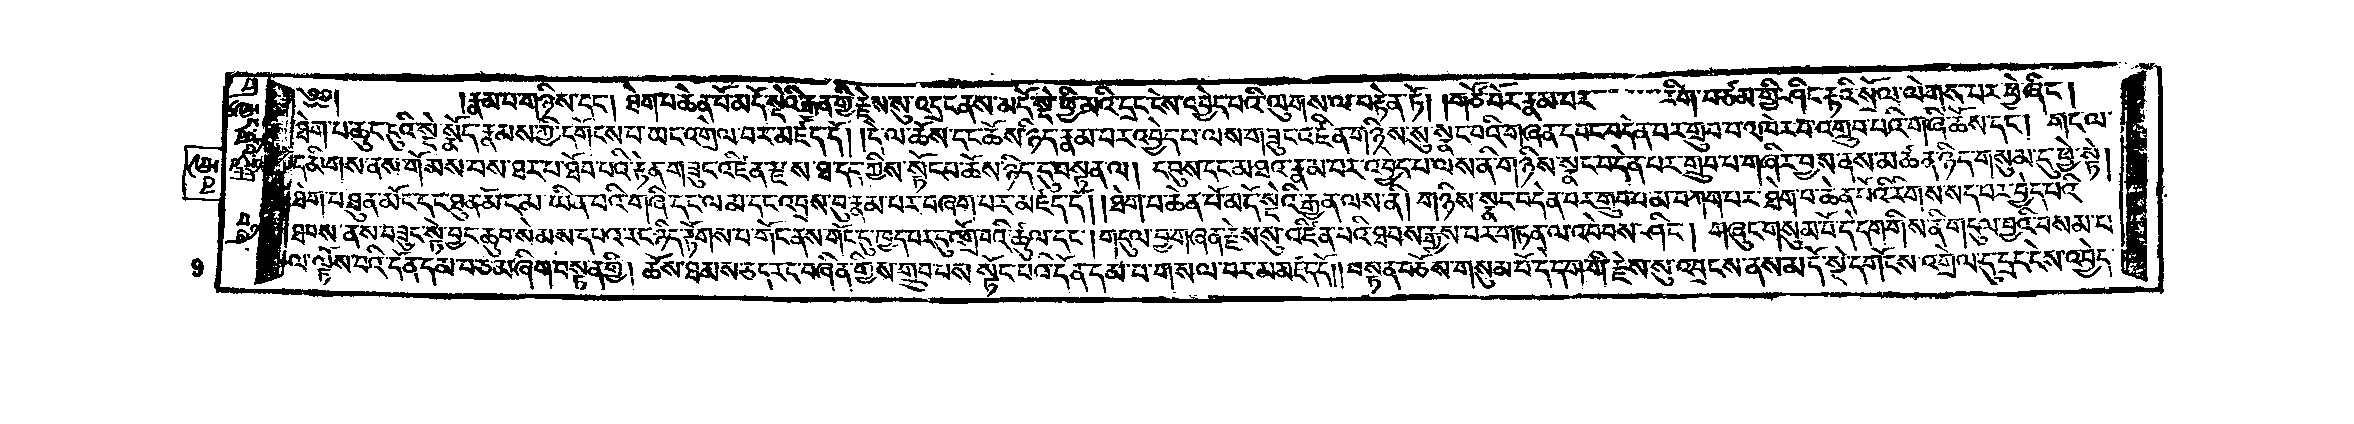༄༅། །རྣམ་པ་གཉིས་དང་། ཐེག་པ་ཆེན་པོ་མདོ་སྡེའི་རྒྱན་གྱི་རྗེས་སུ་འདྲང་ནས་མདོ་སྡེ་ཕྱི་མའི་དྲང་ངེས་འབྱེད་པའི་ལུགས་ལ་བརྟེན་ཏོ། །གཙོ་བོར་རྣམ་པར་རིག་པ་ཙམ་གྱི་ཤིང་རྟའི་སྲོལ་ལེགས་པར་ཕྱེ་ཞིང་།
ཐེག་པ་ཆུང་ངུའི་སྡེ་སྣོད་རྣམས་ཀྱི་དགོངས་པ་ཡང་འགྲེལ་པར་མཛད་དོ། །དེ་ལ་ཆོས་དང་ཆོས་ཉིད་རྣམ་པར་འབྱེད་པ་ལས་གཟུང་འཛིན་གཉིས་སུ་སྣང་བའི་གཞན་དབང་བདེན་པར་གྲུབ་པ་འཁོར་བ་འགྲུབ་པའི་གཞི་ཆོས་དང་། གང་ལ་
དམིགས་ནས་གོམས་པས་ཐར་པ་ཐོབ་པའི་རྟེན་གཟུང་འཛིན་རྫས་ཐ་དད་ཀྱིས་སྟོང་པ་ཆོས་ཉིད་དུ་བསྟན་ལ། དབུས་དང་མཐའ་རྣམ་པར་འབྱེད་པ་ལས་ནི་གཉིས་སྣང་བདེན་པར་གྲུབ་པ་གཞིར་བྱས་ནས་མཚན་ཉིད་གསུམ་དུ་ཕྱེ་སྟེ།
ཐེག་པ་ཐུན་མོང་དང་ཐུན་མོང་མ་ཡིན་པའི་གཞི་དང་ལམ་དང་འབྲས་བུ་རྣམ་པར་བཞག་པར་མཛད་དོ། །ཐེག་པ་ཆེན་པོ་མདོ་སྡེའི་རྒྱན་ལས་ནི། གཉིས་སྣང་བདེན་པར་གྲུབ་པ་མ་བཀག་པར་ཐེག་པ་ཆེན་པོའི་རིགས་སད་པར་བྱེད་པའི་
ཐབས་ནས་བཟུང་སྟེ་བྱང་ཆུབ་སེམས་དཔའ་རང་ཉིད་རྟོགས་པ་གོང་ནས་གོང་དུ་ཁྱད་པར་དུ་འགྲོ་བའི་ཚུལ་དང་། གདུལ་བྱ་གཞན་རྗེས་སུ་འཛིན་པའི་ཐབས་རྒྱས་པར་གཏན་ལ་འབེབས་ཤིང་། གཞུང་གསུམ་པོ་དེ་དག་གིས་ནི་གདུལ་བྱའི་བསམ་པ་
ལ་ལྟོས་པའི་དོན་དམ་པ་ཙམ་ཞིག་བསྟན་གྱི། ཆོས་ཐམས་ཅད་རང་བཞིན་གྱིས་གྲུབ་པས་སྟོང་པའི་དོན་དམ་པ་གསལ་བར་མ་མཛད་དོ། །བསྟན་བཅོས་གསུམ་པོ་དེ་དག་གི་རྗེས་སུ་འབྲངས་ནས་མདོ་སྡེ་དགོངས་འགྲེལ་དུ་དྲང་ངེས་འབྱེད་